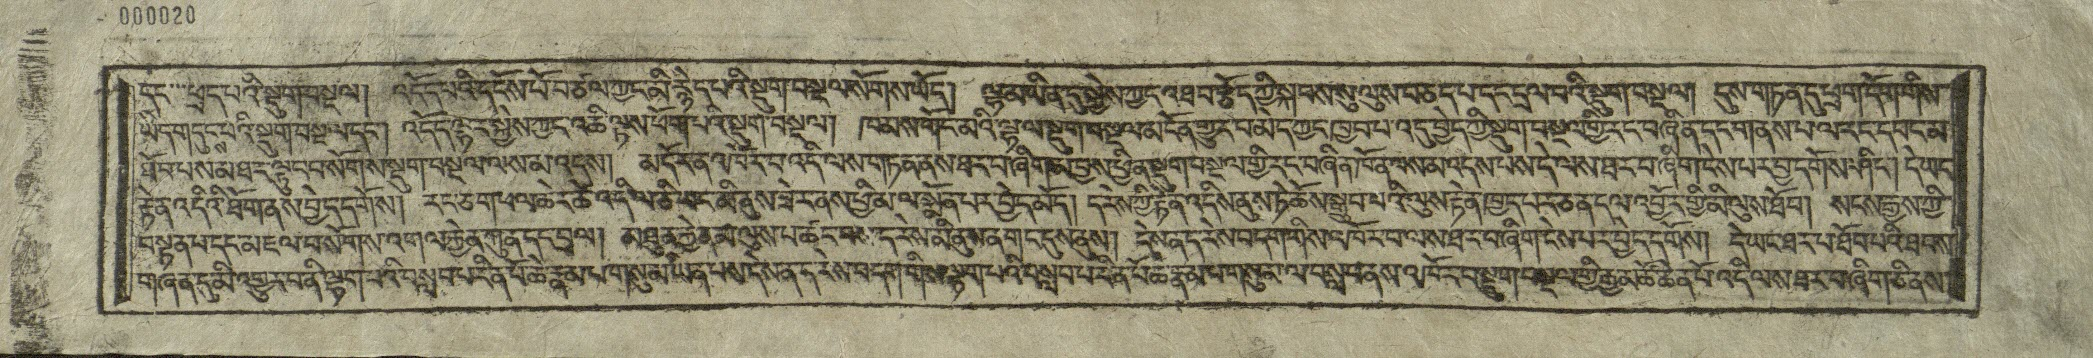དང་ཕྲད་པའི་སྡུག་བསྔལ། འདོད་པའི་དངོས་པོ་བཙལ་ཀྱང་མི་རྙེད་པའི་སྡུག་བསྔལ་སོགས་ཡོད། ལྷ་མ་ཡིན་དུ་སྐྱེས་ཀྱང་འཐབ་རྩོད་ཀྱི་སྐབས་སུ་ལུས་བཅད་པ་དང་དྲལ་བའི་སྡུག་བསྔལ། དུས་གཏན་དུ་ཕྲག་དོག་གིས་
ཡིད་གདུངས་པའི་སྡུག་བསྔལ་དང་། འདོད་ལྷར་སྐྱེས་ཀྱང་འཆི་ལྟས་ཕོག་པའི་སྡུག་བསྔལ། ཁམས་གོང་མའི་ལྷ་ལ་སྡུག་བསྔལ་མངོན་གྱུར་བ་མེད་ཀྱང་ཁྱབ་པ་འདུ་བྱེད་ཀྱི་སྡུག་བསྔལ་གྱི་རང་བཞིན་དང་གནས་པ་ལ་རང་དབང་མ་
ཐོབ་པས་མཐར་ལྟུང་བ་སོགས་སྡུག་བསྔལ་ལས་མ་འདས། མདོར་ན་འཁོར་བ་འདི་ལས་གཏན་ནས་ཐར་བ་ཞིག་མ་བྱས་ཕྱིན་སྡུག་བསྔལ་གྱི་རང་བཞིན་ཁོ་ན་ལས་མ་འདས་པས་དེ་ལས་ཐར་བ་ཞིག་ངེས་པར་བྱ་དགོས་ཤིང་། དེ་ཡང་
རྟེན་འདིའི་ཐོག་ནས་བྱེད་དགོས། རང་ཅག་ཕལ་ཆེར་ཚེ་འདི་ལ་ཅི་ཡང་མི་ནུས་ཟེར་ནས་ཕྱི་མ་ལ་སྨོན་པར་བྱེད་མོད། ད་རེས་ཀྱི་རྟེན་འདིས་ནུས་ཏེ་ཆོས་སྒྲུབ་པའི་ལུས་རྟེན་ཁྱད་པར་ཅན་དལ་འབྱོར་གྱི་མི་ལུས་ཐོབ། སངས་རྒྱས་ཀྱི་
བསྟན་པ་དང་མཇལ་བ་སོགས་འགལ་རྐྱེན་ཀུན་དང་བྲལ། མཐུན་རྐྱེན་མ་ལུས་པ་ཙང་བས་ད་རེས་མི་ནུས་ན་གང་དུས་ནུས། དེས་ན་ད་རེས་བདག་གིས་འཁོར་བ་ལས་ཐར་བ་ཞིག་ངེས་པར་བྱེད་དགོས། དེ་ཡང་ཐར་པ་ཐོབ་པའི་ཐབས་
གཞན་དུ་མི་འགྱུར་བ་ནི་ལྷག་པའི་བསླབ་པ་རིན་པོ་ཆེ་རྣམ་པ་གསུམ་ཡིན་པས་དེས་ན་ད་རེས་བདག་གིས་ལྷག་པའི་བསླབ་པ་རིན་པོ་ཆེ་རྣམ་པ་གསུམ་ལ་བསླབ་ནས་འཁོར་བ་སྡུག་བསྔལ་གྱི་རྒྱ་མཚོ་ཆེན་པོ་འདི་ལས་ཐར་བ་ཞིག་ཅི་ནས་